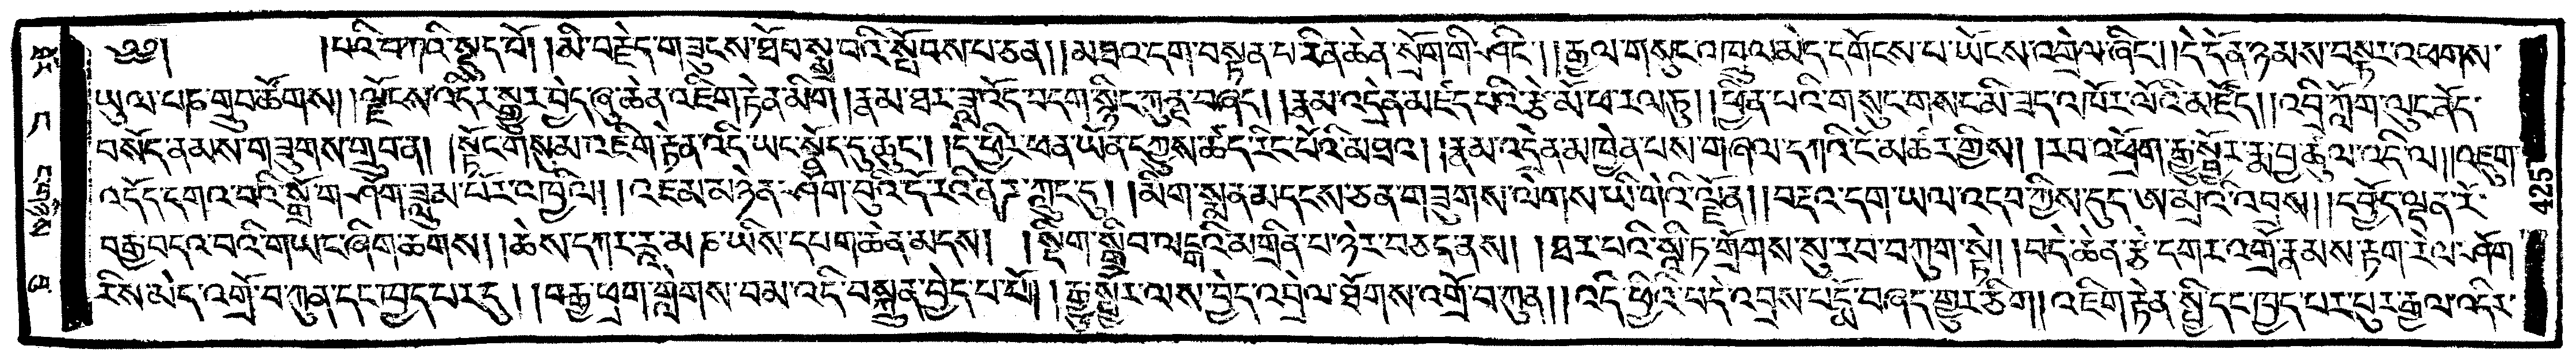༄༅། །པའི་བཀའི་སྡུད་པོ། །མི་བརྗེད་གཟུངས་ཐོབ་སྨྲ་བའི་སྤོབས་པ་ཅན། །མཐའ་དག་བསྟན་པ་རིན་ཆེན་སྲོག་གི་ཤིང་། །རྒྱལ་གསུང་འཁྲུལ་མེད་དགོངས་པ་ཡོངས་འགྲེལ་ཞིང་། །དེ་དོན་ཉམས་བསྟར་འཕགས་
ཡུལ་པཎ་གྲུབ་ཚོགས། །ལྗོངས་འདིར་སྒྱུར་བྱེད་ཞུ་ཆེན་འཇིག་རྟེན་མིག །རྣམ་ཐར་ཟླ་འོད་བདག་སྙིང་ཀུནྡ་བཞད། །རྣམ་འདྲེན་མཛད་པའི་རྩེ་མོ་ཕ་རོལ་ཏུ། །ཕྱིན་པའི་གསུང་གསང་མི་ཟད་འཁོར་ལོའི་མཛོད། །འབྲི་ཀློག་ལུང་ནོད་
བསོད་ནམས་གཟུགས་གྲུབ་ན། །སྟོང་གསུམ་འཇིག་རྟེན་འདི་ཡང་སྣོད་དུ་ཆུང་། །དེ་ཕྱིར་ཕན་ཡོན་དཀྱུས་ཚད་རིང་པོའི་མཐའ། །རྣམ་འདྲེན་མཁྱེན་པས་གཞལ་དཀའི་ངོ་མཚར་གྱིས། །རབ་འཕྲོག་རྒྱུ་སྦྱོར་རྨ་བྱ་ཚུལ་འདི་ལ། །འཇུག་
འདོད་དགའ་བའི་སྒྲོ་གཤོག་ཟླུམ་པོར་འཁྱིལ། །འཇམ་མཉེན་ཤོག་བུའི་དོ་རའི་ནགས་ཀླུང་དུ། །མིག་སྨན་མདངས་ཅན་གཟུགས་ལེགས་ཡི་གེའི་ལྗོན། །བརྡའ་དག་ཡལ་འདབ་ཀྱིས་དུད་ཨ་མྲའི་འབྲས། །དཔྱོད་ལྡན་རོ་
བརྒྱ་བདའ་བའི་གཡང་ཞིག་ཆགས། །ཆེས་དཀར་རཱ་མཎ་ཡིས་དཔག་ཆེན་མདས། །སྡིག་སྒྲིབ་ལངྒའི་མགྲིན་པ་ཉེར་བཅད་ནས། །ཐར་པའི་སཱི་ཏ་གྲོགས་སུ་རབ་བཀུག་སྟེ། །བདེ་ཆེན་རྩེ་དགར་འགྲོ་རྣམས་རྟག་རེལ་ཤོག །
རིས་མེད་འགྲོ་བ་ཀུན་དང་ཁྱད་པར་དུ། །བརྒྱ་ཕྲག་གླེགས་བམ་འདི་བསྐྲུན་བྱེད་པ་པོ། །རྒྱུ་སྦྱོར་ལས་བྱེད་འབྲེལ་ཐོགས་འགྲོ་བ་ཀུན། །འདི་ཕྱིའི་བདེ་འབྲས་པདམོ་བཞད་གྱུར་ཅིག །འཇིག་རྟེན་སྤྱི་དང་ཁྱད་པར་པུར་རྒྱལ་འདིར་